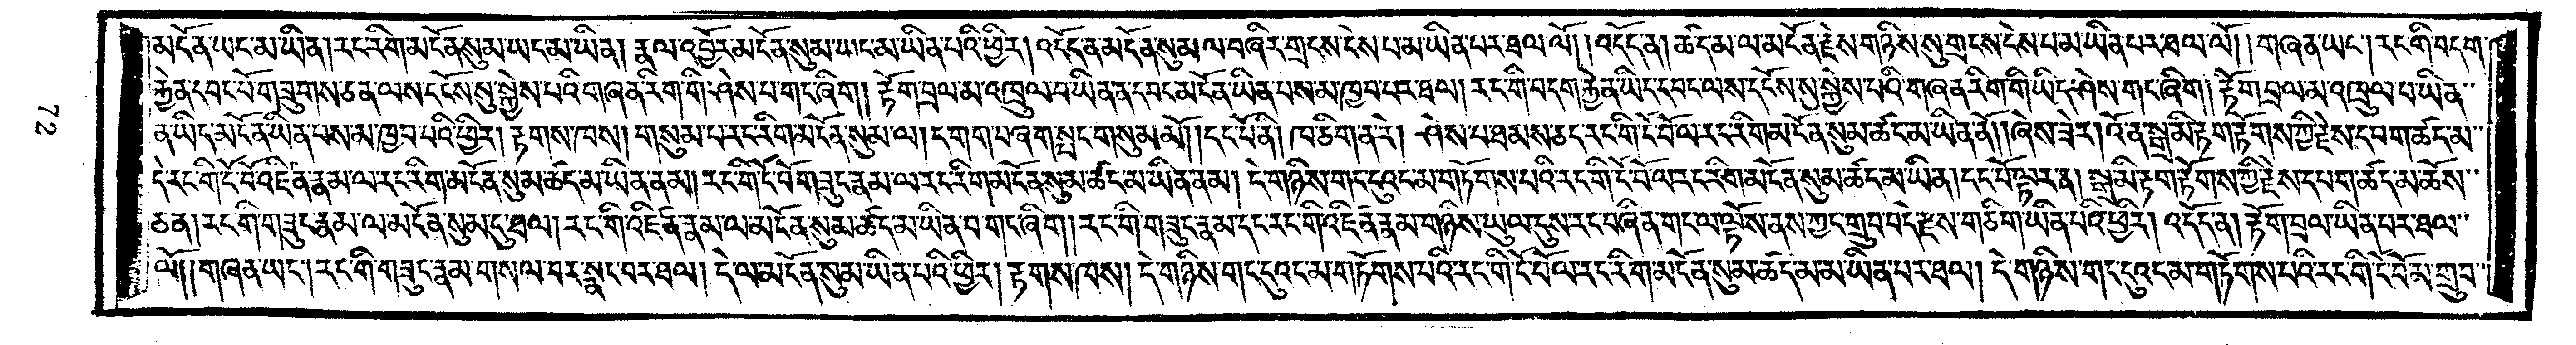མངོན་ཡང་མ་ཡིན། རང་རིག་མངོན་སུམ་ཡང་མ་ཡིན། རྣལ་འབྱོར་མངོན་སུམ་ཡང་མ་ཡིན་པའི་ཕྱིར། འདོད་ན་མངོན་སུམ་ལ་བཞིར་གྲངས་ངེས་པ་མ་ཡིན་པར་ཐལ་ལོ། །འདོད་ན། ཚད་མ་ལ་མངོན་རྗེས་གཉིས་སུ་གྲངས་ངེས་པ་མ་ཡིན་པར་ཐལ་ལོ། །གཞན་ཡང་། རང་གི་བདག་
རྐྱེན་དབང་པོ་གཟུགས་ཅན་ལས་དངོས་སུ་སྐྱེས་པའི་གཞན་རིག་གི་ཤེས་པ་གང་ཞིག །རྟོག་བྲལ་མ་འཁྲུལ་བ་ཡིན་ན་དབང་མངོན་ཡིན་པས་མ་ཁྱབ་པར་ཐལ། རང་གི་བདག་རྐྱེན་ཡིད་དབང་ལས་དངོས་སུ་སྐྱེས་པའི་གཞན་རིག་གི་ཡིད་ཤེས་གང་ཞིག །རྟོག་བྲལ་མ་འཁྲུལ་བ་ཡིན་
ན་ཡིད་མངོན་ཡིན་པས་མ་ཁྱབ་པའི་ཕྱིར། རྟགས་ཁས། གསུམ་པ་རང་རིག་མངོན་སུམ་ལ། དགག་བཞག་སྤང་གསུམ་མོ། །དང་པོ་ནི། ཁ་ཅིག་ན་རེ། ཤེས་པ་ཐམས་ཅད་རང་གི་ངོ་བོ་ལ་རང་རིག་མངོན་སུམ་ཚད་མ་ཡིན་ནོ། །ཞེས་ཟེར། འོ་ན་སྒྲ་མི་རྟག་རྟོགས་ཀྱི་རྗེས་དཔག་ཚད་མ་
དེ་རང་གི་ངོ་བོ་འཛིན་རྣམ་ལ་རང་རིག་མངོན་སུམ་ཚད་མ་ཡིན་ནམ། རང་གི་ངོ་བོ་གཟུང་རྣམ་ལ་རང་རིག་མངོན་སུམ་ཚད་མ་ཡིན་ནམ། དེ་གཉིས་གང་དུའང་མ་གཏོགས་པའི་རང་གི་ངོ་བོ་ལ་རང་རིག་མངོན་སུམ་ཚད་མ་ཡིན། དང་པོ་ལྟར་ན། སྒྲ་མི་རྟག་རྟོགས་ཀྱི་རྗེས་དཔག་ཚད་མ་ཆོས་
ཅན༑ རང་གི་གཟུང་རྣམ་ལ་མངོན་སུམ་དུ་ཐལ། རང་གི་འཛིན་རྣམ་ལ་མངོན་སུམ་ཚད་མ་ཡིན་པ་གང་ཞིག །རང་གི་གཟུང་རྣམ་དང་རང་གི་འཛིན་རྣམ་གཉིས་ཡུལ་དུས་རང་བཞིན་གང་ལ་ལྟོས་ནས་ཀྱང་གྲུབ་བདེ་?་རྫས་གཅིག་ཡིན་པའི་ཕྱིར། འདོད་ན། རྟོག་བྲལ་ཡིན་པར་ཐལ་
ལོ༑ ༑གཞན་ཡང་། རང་གི་གཟུང་རྣམ་གསལ་བར་སྣང་བར་ཐལ། དེ་ལ་མངོན་སུམ་ཡིན་པའི་ཕྱིར། རྟགས་ཁས། དེ་གཉིས་གང་དུའང་མ་གཏོགས་པའི་རང་གི་ངོ་བོ་ལ་རང་རིག་མངོན་སུམ་ཚད་མ་མ་ཡིན་པར་ཐལ། དེ་གཉིས་གང་དུའང་མ་གཏོགས་པའི་རང་གི་ངོ་བོ་མ་གྲུབ་